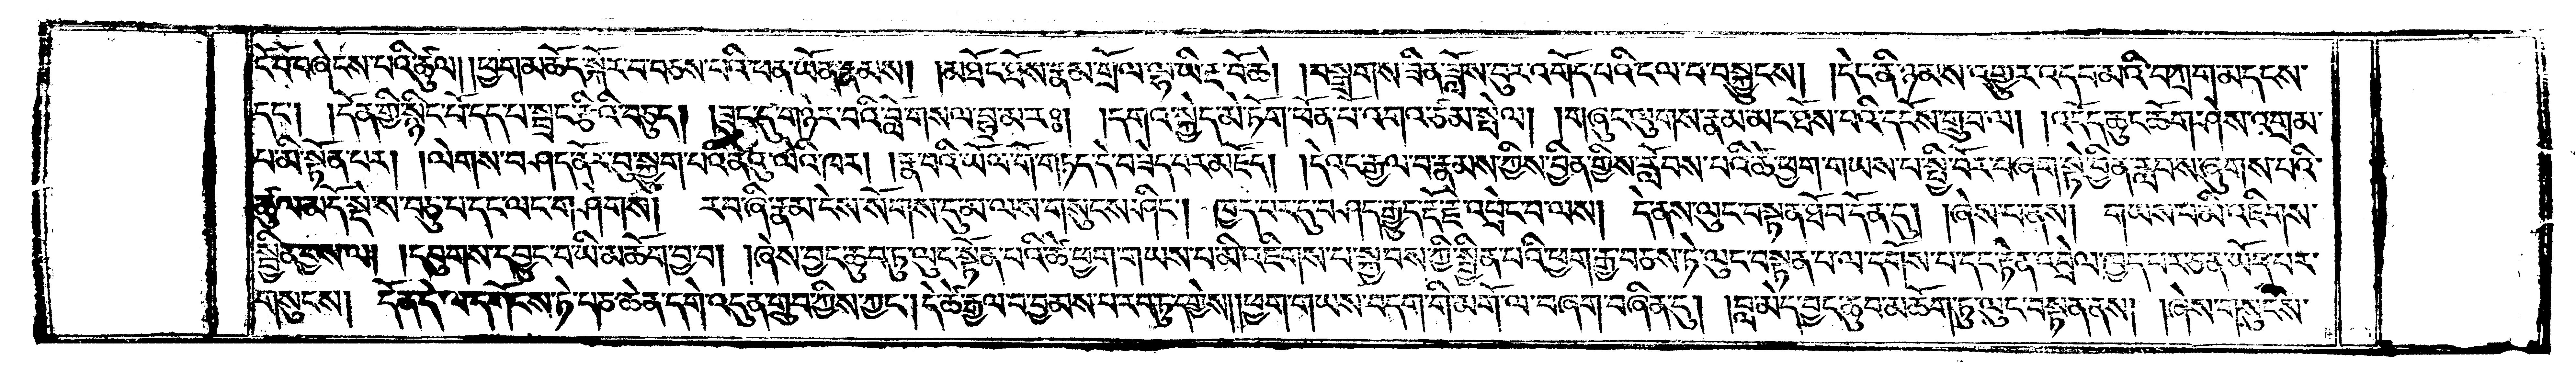ངོ་བོ་བཞེངས་པའི་ཚུལ། །ཕྱག་མཆོད་སྐོར་བ་བཅས་པའི་ཕན་ཡོན་རྣམས། །མཐོང་ཐོས་རྣམ་གྲོལ་ལྷ་ཡི་རྔ་བོ་ཆེ། །བསྒྲགས་ཟིན་ཟློས་བུར་འགོད་པའི་ངལ་བ་བསྐྱུངས། །དེང་ནི་ཉམས་འགྱུར་འདབ་མའི་བཀྲག་མདངས་
དང་། །དོན་གྱི་སྙིང་པོ་དད་པ་སྦྲང་རྩིའི་བཅུད། །ཟུང་དུ་གཉེར་བའི་བློ་གསལ་བྷ་མ་རཿ། །དགའ་སྐྱེད་མེ་ཏོག་ཕོན་པོ་འགའ་ཙམ་སྤེལ། །གཞུང་ལུགས་རྣམ་མང་ཐོས་པའི་དངོས་གྲུབ་ལ། །འདོད་ཆུང་ཆོག་ཤེས་འགྲམ་
པ་མི་སྟོན་པར། །ལེགས་བཤད་ནོར་བུ་སྐྱུག་པའི་ནེའུ་ལེའི་ཁར། །རྣ་བའི་ཡུལ་གོ་གཏད་དེ་བཟེད་པར་མཛོད། །དེའང་རྒྱལ་བ་རྣམས་ཀྱིས་བྱིན་གྱིས་རློབས་པའི་ཚེ་ཕྱག་གཡས་པ་སྤྱི་བོར་བཞག་སྟེ་བྱིན་རླབས་ཞུགས་པའི་
ཚུལ་མདོ་སྡེ་ས་བཅུ་པ་དང་ཡང་གཤེགས། རབ་ཞི་རྣམ་ངེས་སོགས་དུ་མ་ལས་གསུངས་ཤིང་། ཁྱད་པར་དུ་བཤད་རྒྱུད་རྡོ་རྗེ་འཕྲེང་བ་ལས། དེ་ནས་ལུང་བསྟན་ཐོབ་དོན་དུ། །ཞེས་པ་ནས། གཡས་པ་མི་འཇིགས་
སྦྱིན་བྱས་ལ། །དབུགས་དབྱུང་བ་ཡི་མཆོག་བྱ་བ། །ཞེས་བྱང་ཆུབ་ཏུ་ལུང་སྟོན་པའི་ཚེ་ཕྱག་གཡས་པ་མི་འཇིགས་པ་སྐྱབས་ཀྱི་སྦྱིན་པའི་ཕྱག་རྒྱ་བཅས་ཏེ་ལུང་བསྟན་པ་ལ་དགོས་པ་དང་རྟེན་འབྲེལ་ཁྱད་པར་ཅན་ཡོད་པར་
གསུངས། དོན་དེ་ལ་དགོངས་ཏེ་པཎ་ཆེན་དགེ་འདུན་གྲུབ་ཀྱིས་ཀྱང་། དེ་ཚེ་རྒྱལ་བ་བྱམས་པ་རབ་ཏུ་དགྱེས། །ཕྱག་གཡས་བདག་གི་མགོ་ལ་བཞག་བཞིན་དུ། །བླ་མེད་བྱང་ཆུབ་མཆོག་ཏུ་ལུང་བསྟན་ནས། །ཞེས་གསུངས་